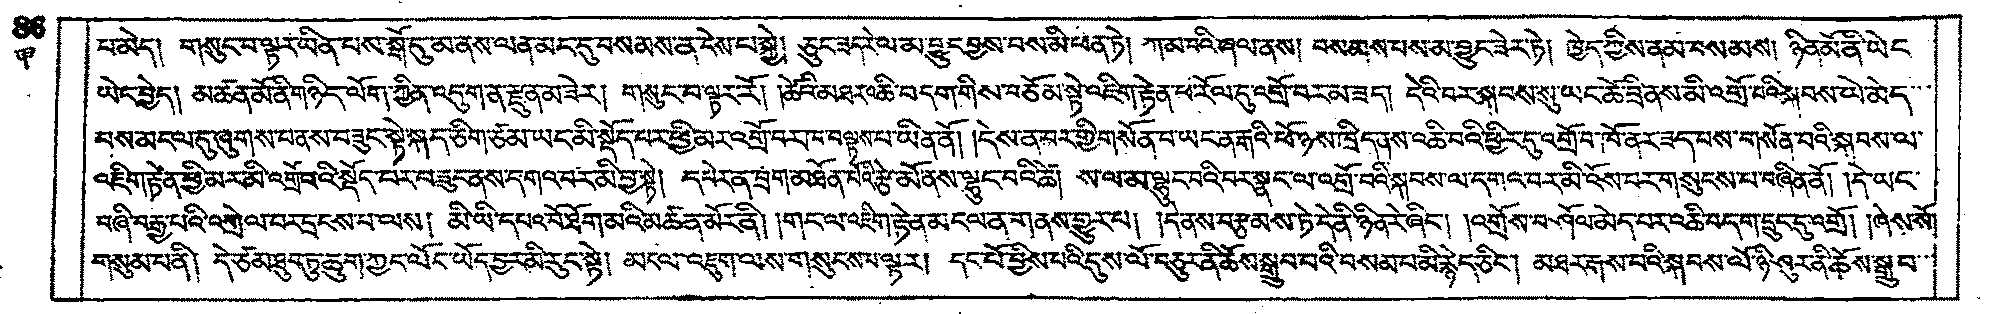པ་མེད། གསུངས་པ་ལྟར་ཡིན་པས་སྒོ་དུ་མ་ནས་ལན་མང་དུ་བསམས་ན་ངེས་པ་སྐྱེ། ཅུང་ཟད་རེ་ལ་མ་བྱུང་བྱས་པས་མི་ཕན་ཏེ། ཀ་མ་བའི་ཞལ་ནས། བསམས་པས་མ་བྱུང་ཟེར་ཏེ། ཁྱེད་ཀྱིས་ནམ་བསམས། ཉིན་མོ་ནི་ཡེང་
ཡེང་བྱེད། མཚན་མོ་ནི་གཉིད་ལོག་ཀྱི་འདུག་ན་རྫུན་མ་ཟེར། གསུང་བ་ལྟར་རོ། །ཚེའི་མཐར་འཆི་བདག་གིས་བཅོམ་སྟེ་འཇིག་རྟེན་ཕ་རོལ་དུ་འགྲོ་བར་མ་ཟད། དེའི་བར་སྐབས་སུ་ཡང་ཚེ་བྲིན་ནས་མི་འགྲོ་བའི་སྐབས་ཡེ་མེད་
པས་མངལ་དུ་ཞུགས་པ་ནས་བཟུང་སྟེ་སྐད་ཅིག་ཙམ་ཡང་མི་སྡོད་པར་ཕྱི་མར་འགྲོ་བར་ཁ་བལྟས་པ་ཡིན་ནོ། །དེས་ན་བར་གྱི་གསོན་པ་ཡང་ན་རྒའི་ཕོ་ཉས་ཁྲིད་ནས་འཆི་བའི་ཕྱིར་དུ་འགྲོ་བ་ཁོ་ནར་ཟད་པས་གསོན་པའི་སྐབས་ལ་
འཇིག་རྟེན་ཕྱི་མར་མི་འགྲོ་བའི་སྡོད་བར་བཟུང་ནས་དགའ་བར་མི་བྱ་སྟེ། དཔེར་ན་བྲག་མཐོན་པོའི་རྩེ་མོ་ནས་ལྷུང་བའི་ཚེ། ས་ལ་མ་ལྷུང་བའི་བར་སྣང་ལ་འགྲོ་བའི་སྐབས་ལ་དགའ་བར་མི་འོས་པར་གསུངས་པ་བཞིན་ནོ། །དེ་ཡང་
བཞི་བརྒྱ་པའི་འགྲེལ་པར་དྲངས་པ་ལས། མི་ཡི་དཔའ་བོ་ཐོག་མའི་མཚན་མོར་ནི། །གང་ལ་འཇིག་རྟེན་མངལ་ན་གནས་གྱུར་བ། །དེ་ནས་བརྩམས་ཏེ་དེ་ནི་ཉིན་རེ་ཞིང་། །འགྲོས་བཤོལ་མེད་པར་འཆི་བདག་དྲུང་དུ་འགྲོ། །ཞེས་སོ་
གསུམ་པ་ནི། དེ་ཙམ་ཐུབ་ཏུ་ཆུག་ཀྱང་ལོང་ཡོད་བྱར་མི་རུང་སྟེ། མངལ་འཇུག་ལས་གསུངས་པ་ལྟར། དང་པོ་བྱིས་པའི་དུས་ལོ་བཅུར་ནི་ཆོས་སྒྲུབ་པའི་བསམ་པ་མི་རྙེད་ཅིང་། མཐར་རྒས་པའི་སྐབས་ལོ་ཉི་ཤུར་ནི་ཆོས་སྒྲུབ་